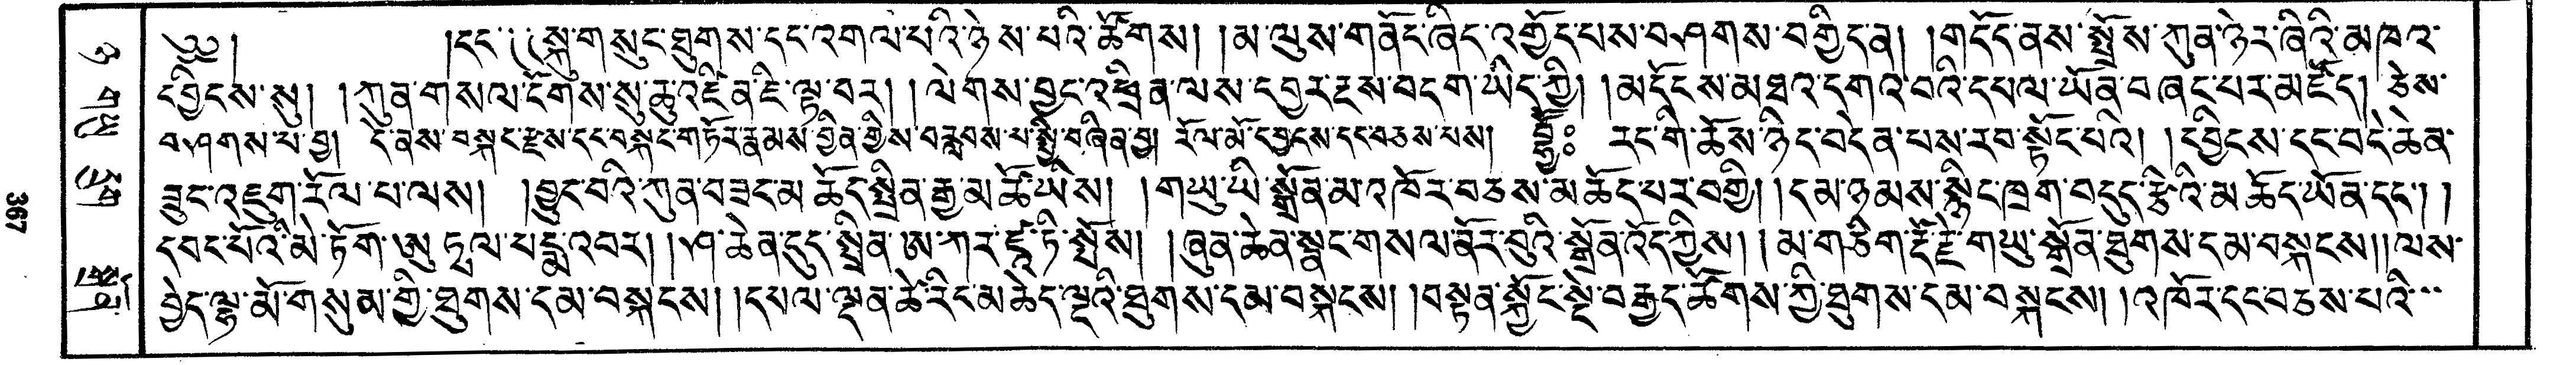༄༅། །དང༑ ༑སྐུ་གསུང་ཐུགས་དང་འགལ་བའི་ཉེས་པའི་ཚོགས། །མ་ལུས་གནོད་ཞིང་འགྱོད་པས་བཤགས་བགྱིད་ན། །གདོད་ནས་སྤྲོས་ཀུན་ཉེར་ཞིའི་མཁའ་
དབྱིངས་སུ། །ཀུན་གསལ་ངོགས་སུ་ཆུ་འཛིན་ཇི་ལྟ་བར། །ལེགས་བྱང་འཕྲིན་ལས་དབྱར་རྔས་བདག་ཡིད་ཀྱི། །མདོངས་མཐའ་དགའ་བའི་དཔལ་ཡོན་བཞད་བར་མཛོད། ཅེས་
བཤགས་པ་བྱ། དེ་ནས་བསྐང་རྫས་དང་བསྐང་གཏོར་རྣམས་བྱིན་གྱིས་བརླབས་བ་སྤྱི་བཞིན་བྱ། རོལ་མོ་དབྱངས་དང་བཅས་པས། བྷྱཽཿ རང་གི་ཆོས་ཉིད་བདེན་པས་རབ་སྟོད་བའི། །དབྱིངས་དང་བདེ་ཆེན་
ཟུང་འཇུག་རོལ་པ་ལས། །བྱུང་བའི་ཀུན་བཟང་མཆོད་སྤྲིན་རྒྱ་མཚོ་ཡིས། །གཡུ་ཡི་སྒྲོན་མ་འཁོར་བཅས་མཆོད་པར་བགྱི། །དམ་ཉམས་སྙིང་ཁྲག་བདུད་རྩིའི་མཆོད་ཡོན་དང།།
དབང་པོའི་མེ་ཏོག་ཨུཏྤལ་པདམ་འབར། །ཤ་ཆེན་དུད་སྤྲིན་ཨ་ཀར་ཛཱ་ཏི་སྤོས། །ཞུན་ཆེན་སྣང་གསལ་ནོར་བུའི་སྒྲོན་འོད་ཀྱིས། །མ་གཅིག་རྡོ་རྗེ་གཡུ་སྒྲོན་ཐུགས་དམ་བསྐངས། །ལས་
བྱེད་ལྷ་མོ་གསུམ་གྱི་ཐུགས་དམ་བསྐངས། །དཔལ་ལྡན་ཚེ་རིང་མཆེད་ལྔའི་ཐུགས་དམ་བསྐངས། །བསྟན་སྐྱོང་སྡེ་བརྒྱད་ཚོགས་ཀྱི་ཐུགས་དམ་བསྐངས། །འཁོར་དང་བཅས་པའི་